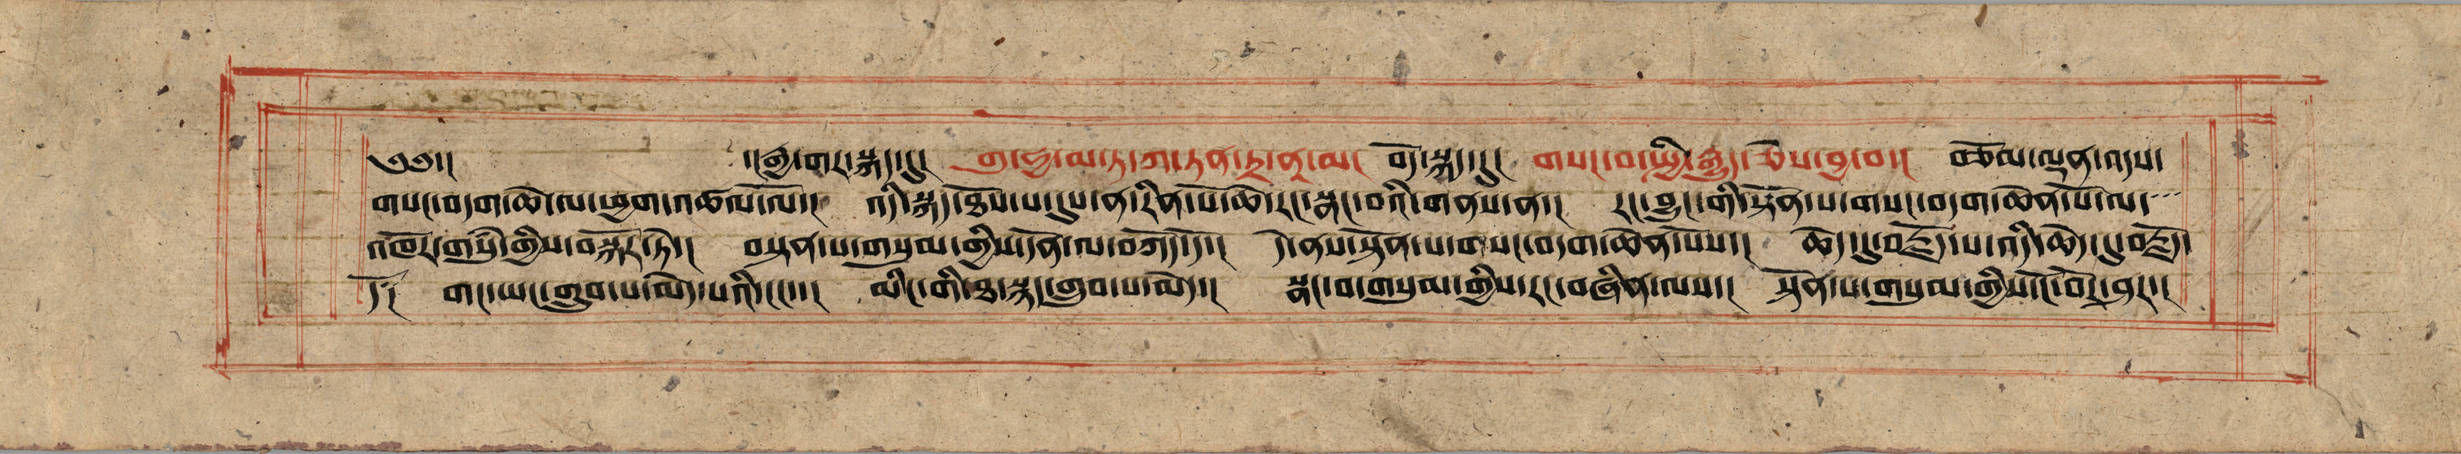༄༅་། ་།རྒྱ་གར་སྐད་དུ། གུ་ཧྱ་མ་ཏ་ཀ་ཏན་ཏྲ་ནཱ་མ། བོད་སྐད་དུ། གསང་བ་སྤྱི་རྒྱུད་ཅེས་བྱ་བ་། བཅོམ་ལྡན་འདས་
གསང་བདག་ཆེ་ལ་ཕྱག་འཚལ་ལོ་། འདི་སྐད་ཐོས་པ་དུས་ན་རིན་པོ་ཆེ་རང་སྣང་བའི་གནས་ན་། རང་བྱུང་གི་སྟོན་པ་གསང་བདག་ཆེན་པོ་ལ་
འཁོར་གསུཾ་གྱིས་བསྐོར་ཏེ་། བསྟན་པ་གསུམ་གྱིས་དོན་ལ་བཀོད་དོ་། དེ་ནས་སྟོན་པ་གསང་བདག་ཆེན་པོས་། ཆེད་དུ་བརྗོད་པ་འདི་ཆེད་དུ་བརྗོད་
༑ གང་ཡང་གྲུབ་པ་མེད་པའི་ངང་་། མིང་གི་ཐ་སྙད་གྲུབ་པ་མེད་། སྣང་བ་གསུམ་གྱིས་རང་བཞིན་ལས་། སྟོན་པ་གསུམ་གྱིས་ངོ་བོར་ཤར་།